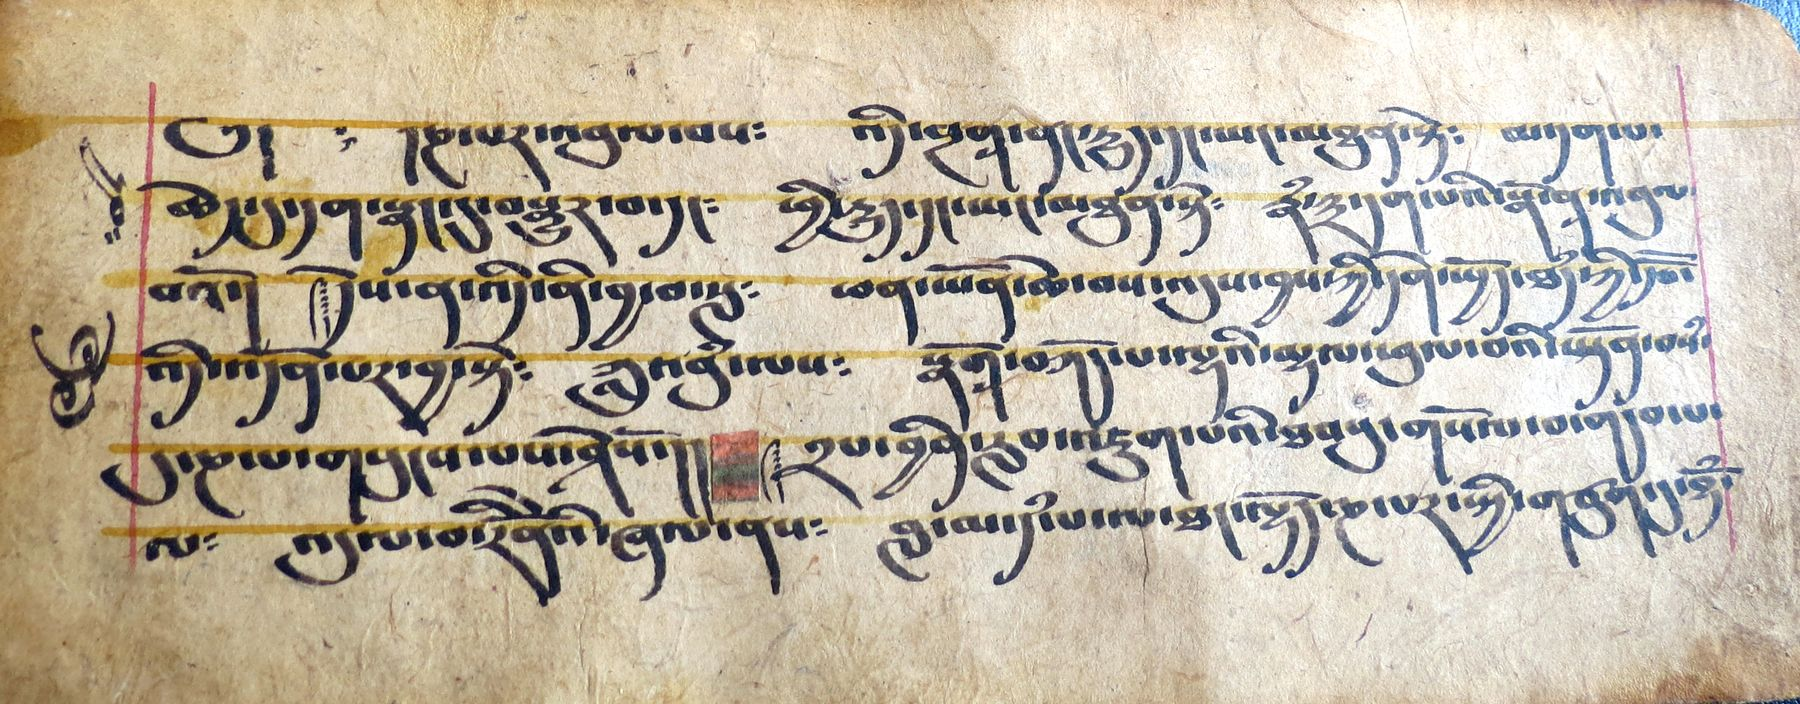མེད་པར་ཕུལ་བ་དང་། འདི་སྔགས་ནང་རྒྱུད་དང་ཡང་མཐུན་ཏེ། མ་དག་པ་
ཆེད་དུ་དག་སྣང་དུ་བསྒྱུར་བས་དང་། ཕྱི་རྒྱུད་དང་ཡང་མཐུན་ཏེ། རྣམ་གསུམ་དག་པའི་སྒོ་ནས་འབུལ་
བས་སོ། དེས་ན་བྱ་བར་སླ། ཕན་ཡོན་ཆེ་བས་འདུས་བྱས་ཀྱི་དགེ་སྤྱོད་ཐམས་ཅད་ཀྱི་གཙོ་བོར་
འདི་འདོན་པར་བྱ་སྟེ། ཀླུ་འབུམ་ལས། སྣ་ཚོགས་བཀོད་པ་ལྷའི་མ་འདལ་ཕུལ་བའི་ཡོན་ཏན་བསམ་
དུ་མེད་པ་གསུངས་པས་ཤེས་སོ། ། གཉིས་པ་བྱིན་རླབས་འཇུག་པའི་ཐབས་གསོལ་བ་འདེབས་པ་
ལ། འདུལ་བ་རིན་པོ་ཆེའི་ཞལ་ནས། བླ་མ་དམ་པ་ལ་ཐང་ལྷོད་མེད་པར་སྤྱི་གཙུག་ཏུ་བསྒོམས་